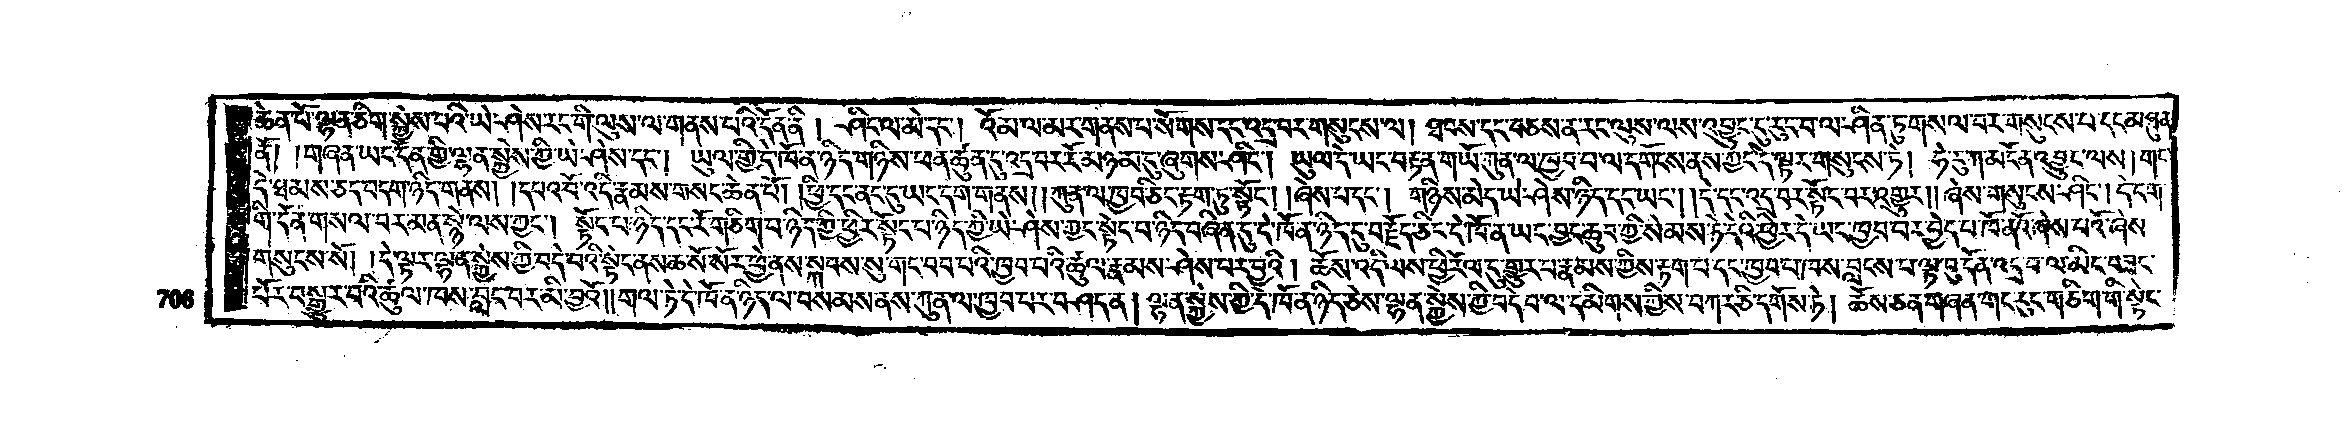ཆེན་པོ་ལྷན་ཅིག་སྐྱེས་པའི་ཡེ་ཤེས་རང་གི་ལུས་ལ་གནས་པའི་དོན་ནི། ཤིང་ལ་མེ་དང་། འོ་མ་ལ་མར་གནས་པ་སོགས་དང་འདྲ་བར་གསུངས་ལ། ཐབས་དང་བཅས་ན་རང་ལུས་ལས་འབྱུང་དུ་རུང་བ་ལ་ཤིན་ཏུ་གསལ་བར་གསུངས་པ་དང་མཐུན་
ནོ། །གཞན་ཡང་དོན་གྱི་ལྷན་སྐྱེས་ཀྱི་ཡེ་ཤེས་དང་། ཡུལ་གྱི་དེ་ཁོ་ན་ཉིད་གཉིས་ཕན་ཚུན་དུ་འདྲ་བར་རོ་མཉམ་དུ་ཞུགས་ཤིང་། ཡུལ་དེ་ཡང་བརྟན་གཡོ་ཀུན་ལ་ཁྱབ་པ་ལ་དགོངས་ནས་ཀྱང་དེ་ལྟར་གསུངས་ཏེ། ཧེ་རུ་ཀ་མངོན་འབྱུང་ལས། གང་
དེ་ཐམས་ཅད་བདག་ཉིད་གནས། །དཔའ་བོ་འདི་རྣམས་གསང་ཆེན་པོ། །ཕྱི་དང་ནང་དུ་ཡང་དག་གནས། །ཀུན་ལ་ཁྱབ་ཅིང་རྟག་ཏུ་སྟོང་། །ཞེས་པ་དང་། གཉིས་མེད་ཡེ་ཤེས་ཉིད་དང་ཡང་། །དེ་དང་འདྲ་བར་སྟོང་བར་འགྱུར། །ཞེས་གསུངས་ཤིང་། དེ་དག་
གི་དོན་གསལ་བར་མན་སྙེ་ལས་ཀྱང་། སྟོང་པ་ཉིད་དང་རོ་གཅིག་པ་ཉིད་ཀྱི་ཕྱིར་སྟོང་པ་ཉིད་ཀྱི་ཡེ་ཤེས་ཀྱང་སྟེང་པ་ཉིད་བཞིན་དུ་དེ་ཁོ་ན་ཉིད་དུ་བརྗོད་ཅིང་དེ་ཁོ་ན་ཡང་བྱང་ཆུབ་ཀྱི་སེམས་ཏེ་དེའི་ཕྱིར་དེ་ཡང་ཁྱབ་པར་བྱེད་པ་ཁོ་ནའོ་ཞེས་པའོ་ཞེས་
གསུངས་སོ། །དེ་ལྟར་ལྷན་སྐྱེས་ཀྱི་བདེ་བའི་སྟེང་ནས་ཆ་སོ་སོར་ཕྱེ་ནས་སྐབས་སུ་གང་བབ་པའི་ཁྱབ་པའི་ཚུལ་རྣམས་ཤེས་པར་བྱའི། ཆོས་འདི་ལས་ཕྱི་རོལ་དུ་གྱུར་པ་རྣམས་ཀྱིས་རྟག་པ་དང་ཁྱབ་པ་ཁས་བླངས་པ་ལྟ་བུ་དོན་འདྲ་བ་ལ་མིང་བཟང་
པོར་བསྒྱུར་བའི་ཚུལ་ཁས་བླང་བར་མི་བྱའོ། །གལ་ཏེ་དེ་ཁོ་ན་ཉིད་ལ་བསམས་ནས་ཀུན་ལ་ཁྱབ་པར་བཤད་ན། ལྷན་སྐྱེས་ཀྱི་དེ་ཁོ་ན་ཉིད་ཅེས་ལྷན་སྐྱེས་ཀྱི་བདེ་བ་ལ་དམིགས་ཀྱིས་བཀར་ཅི་དགོས་ཏེ། ཆོས་ཅན་གཞན་གང་རུང་གཅིག་གི་སྟེང་